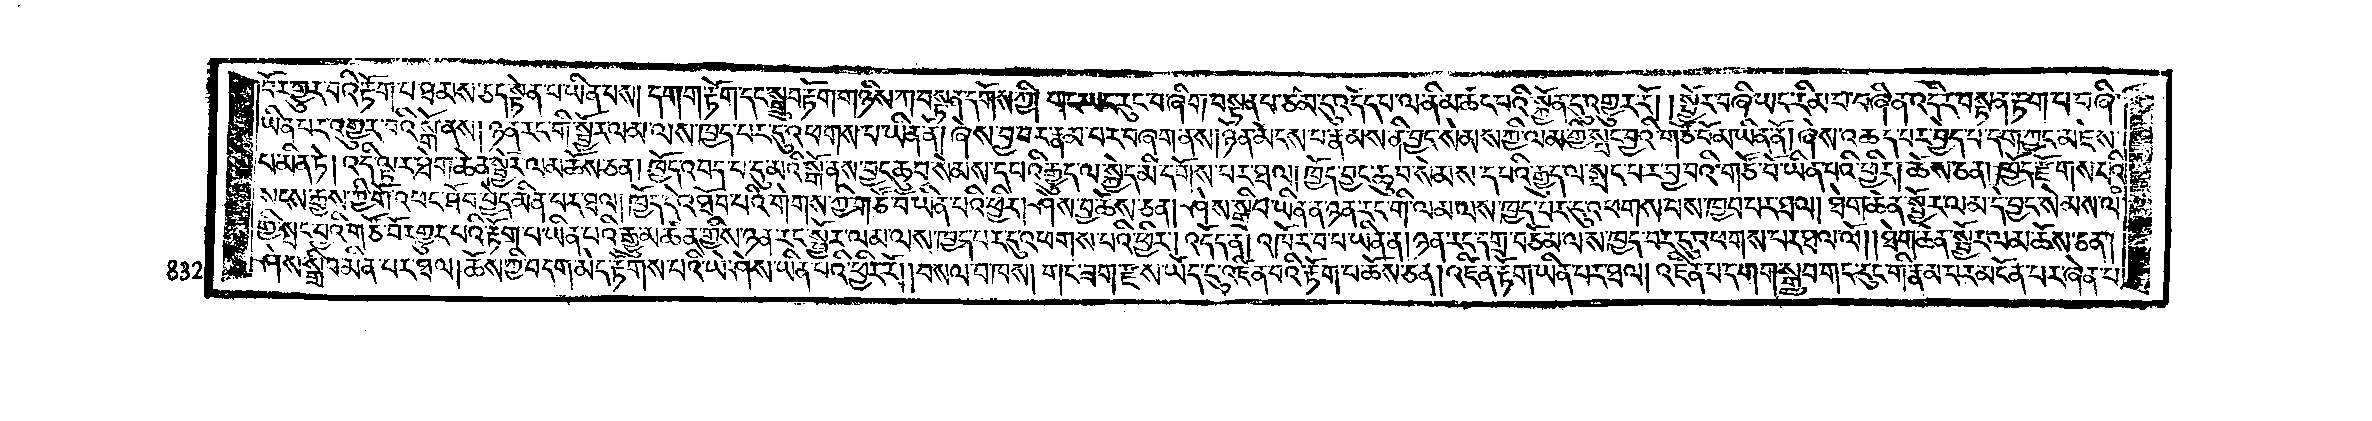བོར་གྱུར་བའི་རྟོག་པ་ཐམས་ཅད་སྟེན་པ་ཡིན་པས། དགག་རྟོག་དང་སྒྲུབ་རྟོག་གཉིས་ཀ་བསྟན་དགོས་ཀྱི། གང་ཡང་རུང་བ་ཞིག་བསྟན་པ་ཙམ་དུ་འདོད་པ་ལ་ནི་མ་ཚང་བའི་སྐྱོན་དུ་འགྱུར་རོ། །སྦྱོར་བཞི་ཡང་རིམ་པ་བཞིན་འདིར་བསྟན་རྟག་པ་བཞི་
ཡིན་པར་འགྱུར་བའི་སྒོ་ནས། ཉན་རང་གི་སྦྱོར་ལམ་ལས་ཁྱད་པར་དུ་འཕགས་པ་ཡིན་ནོ། ཞེས་བྱ་བར་རྣམ་པར་བཞག་ནས། ཉོན་མོངས་པ་རྣམས་ནི་བྱང་སེམས་ཀྱི་ལམ་གྱི་སྤང་བྱའི་གཙོ་བོ་མ་ཡིན་ནོ། ཞེས་འཆད་པར་བྱེད་པ་དག་ཀྱང་མཛེས་
པ་མིན་ཏེ། འདི་ལྟར་ཐེག་ཆེན་སྦྱོར་ལམ་ཆོས་ཅན། ཁྱོད་འབད་པ་དུ་མའི་སྒོ་ནས་བྱང་ཆུབ་སེམས་དཔའི་རྒྱུད་ལ་སྐྱེད་མི་དགོས་པར་ཐལ། ཁྱོད་བྱང་ཆུབ་སེམས་དཔའི་རྒྱུད་ལ་སྤང་བར་བྱ་བའི་གཙོ་བོ་ཡིན་པའི་ཕྱིར། ཆོས་ཅན། ཁྱོད་རྫོགས་པའི་
སངས་རྒྱས་ཀྱི་གོ་འཕང་ཐོབ་བྱེད་མིན་པར་ཐལ། ཁྱོད་དེ་འཐོབ་པའི་གེགས་ཀྱི་གཙོ་བོ་ཡིན་པའི་ཕྱིར། ཤེས་བྱ་ཆོས་ཅན། ཤེས་སྒྲིབ་ཡིན་ན་ཉན་རང་གི་ལམ་ལས་ཁྱད་པར་དུ་འཕགས་པས་ཁྱབ་པར་ཐལ། ཐེག་ཆེན་སྦྱོར་ལམ་དེ་བྱང་སེམས་ལམ་
གྱི་སྤང་བྱའི་གཙོ་བོར་གྱུར་པའི་རྟོག་པ་ཡིན་པའི་རྒྱུ་མཚན་གྱིས་ཉན་རང་སྦྱོར་ལམ་ལས་ཁྱད་པར་དུ་འཕགས་པའི་ཕྱིར། འདོད་ན། འཁོར་བ་པ་ཡིན་ན། ཉན་རང་དགྲ་བཅོམ་ལས་ཁྱད་པར་དུ་འཕགས་པར་ཐལ་ལོ། །ཐེག་ཆེན་སྦྱོར་ལམ་ཆོས་ཅན།
ཤེས་སྒྲིབ་མིན་པར་ཐལ། ཆོས་ཀྱི་བདག་མེད་རྟོགས་པའི་ཡེ་ཤེས་ཡིན་པའི་ཕྱིར་རོ། །བསལ་བ་ཁས། གང་ཟག་རྫས་ཡོད་དུ་འཛིན་པའི་རྟོག་པ་ཆོས་ཅན། འཛིན་རྟོག་ཡིན་པར་ཐལ། འཛིན་པ་དགག་སྒྲུབ་གང་རུང་གི་རྣམ་པར་མངོན་པར་ཞེན་པ་